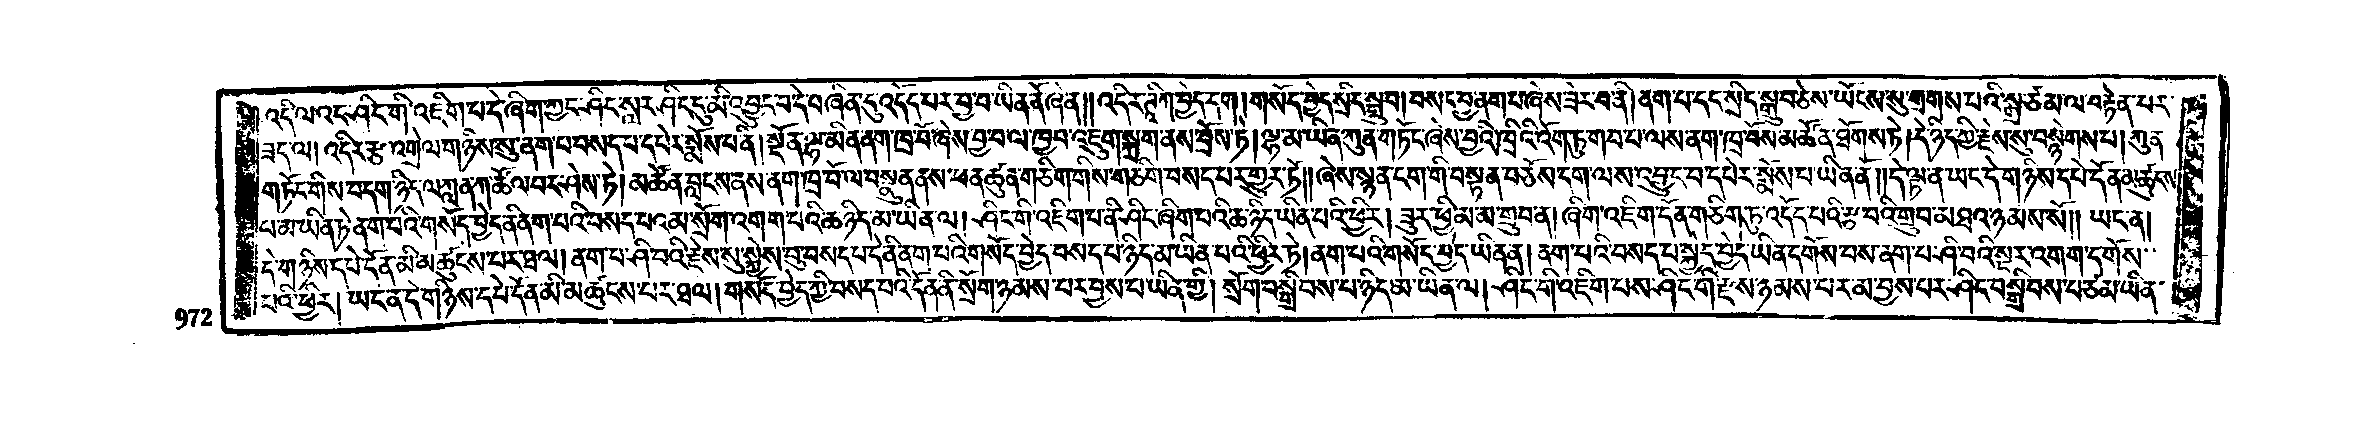འདི་ལའང་ཤིང་གི་འཇིག་པ་དེ་ཞིག་ཀྱང་ཤིང་སླར་ཤིང་དུ་མི་འབྱུང་བ་དེ་བཞིན་དུ་འདོད་པར་བྱ་བ་ཡིན་ནོ་ཞེ་ན། །འདིར་ཊཱིཀ་བྱེད་དག །གསོད་བྱེད་སྲིད་སྒྲུབ། བསད་བྱ་ནག་པ་ཞེས་ཟེར་བ་ནི། ནག་པ་དང་སྲིད་སྒྲུབ་ཅེས་ཡོངས་སུ་གྲགས་པའི་སྒྲ་ཙམ་ལ་བརྟེན་པར་
ཟད་ལ། འདིར་རྩ་འགྲེལ་གཉིས་སུ་ནག་པ་བསད་པ་དཔེར་སྨོས་པ་ནི། སྔོན་ལྷ་མིན་ནག་ཁྲ་བོ་ཞེས་བྱ་བ་ལ་ཁྱབ་འཇུག་སྐྲག་ནས་བྲོས་ཏེ། ལྷ་མ་ཡིན་ཀུན་གཏོང་ཞེས་བྱའི་ཁྲིའི་འོག་ཏུ་གབ་པ་ལས་ནག་ཁྲ་བོས་མཚོན་ཐོགས་ཏེ། དེ་ཉིད་ཀྱི་རྗེས་སུ་བསྙེགས་པ། ཀུན་
གཏོང་གིས་བདག་ཉིད་ལ་ཀླན་ཀ་ཚོལ་བར་ཤེས་ཏེ། མཚོན་བླངས་ནས་ནག་ཁྲ་བོ་ལ་བསྣུན་ནས་ཕན་ཚུན་གཅིག་གིས་གཅིག་བསད་པར་གྱུར་ཏོ། །ཞེས་སྙན་ངག་གི་བསྟན་བཅོས་དག་ལས་འབྱུང་བ་དཔེར་སྨོས་པ་ཡིན་ནོ། །དེ་ལྟ་ན་ཡང་དེ་གཉིས་དཔེ་དོན་མཚུངས་པ་མ་ཡིན་ཏེ་ནག་པའི་གསོད་བྱེད་ནི་ནག་པའི་བསད་པའམ་སྲོག་འགག་པའི་ཆ་ཉིད་མ་ཡིན་ལ། ཤིང་གི་འཇིག་པ་ནི་ཤིང་ཞིག་པའི་ཆ་ཉིད་ཡིན་པའི་ཕྱིར། ཟུར་ཕྱི་མ་མ་གྲུབ་ན། ཞིག་འཇིག་དོན་གཅིག་ཏུ་འདོད་པའི་རྩ་བའི་གྲུབ་མཐའ་ཉམས་སོ། །ཡང་ན།
དེ་གཉིས་དཔེ་དོན་མི་མཚུངས་པར་ཐལ། ནག་པ་ཤི་བའི་རྗེས་སུ་སྐྱེས་བུ་བསད་པ་དེ་ནི་ནག་པའི་གསོད་བྱེད་བསད་པ་ཉིད་མ་ཡིན་པའི་ཕྱིར་ཏེ། ནག་པའི་གསོད་བྱེད་ཡིན་ན། ནག་པའི་བསད་པ་སྐྱེད་བྱེད་ཡིན་དགོས་པས་ནག་པ་ཤི་བའི་སྔར་འགག་དགོས་
པའི་ཕྱིར། ཡང་ན་དེ་གཉིས་དཔེ་དོན་མི་མཚུངས་པར་ཐལ། གསོད་བྱེད་ཀྱི་བསད་པའི་དོན་ནི་སྲོག་ཉམས་པར་བྱས་པ་ཡིན་གྱི། སྲོག་བསྒྲིབས་པ་ཉིད་མ་ཡིན་ལ། ཤིང་གི་འཇིག་པས་ཤིང་གི་རྫས་ཉམས་པར་མ་བྱས་པར་ཤིང་བསྒྲིབས་པ་ཙམ་ཡིན་